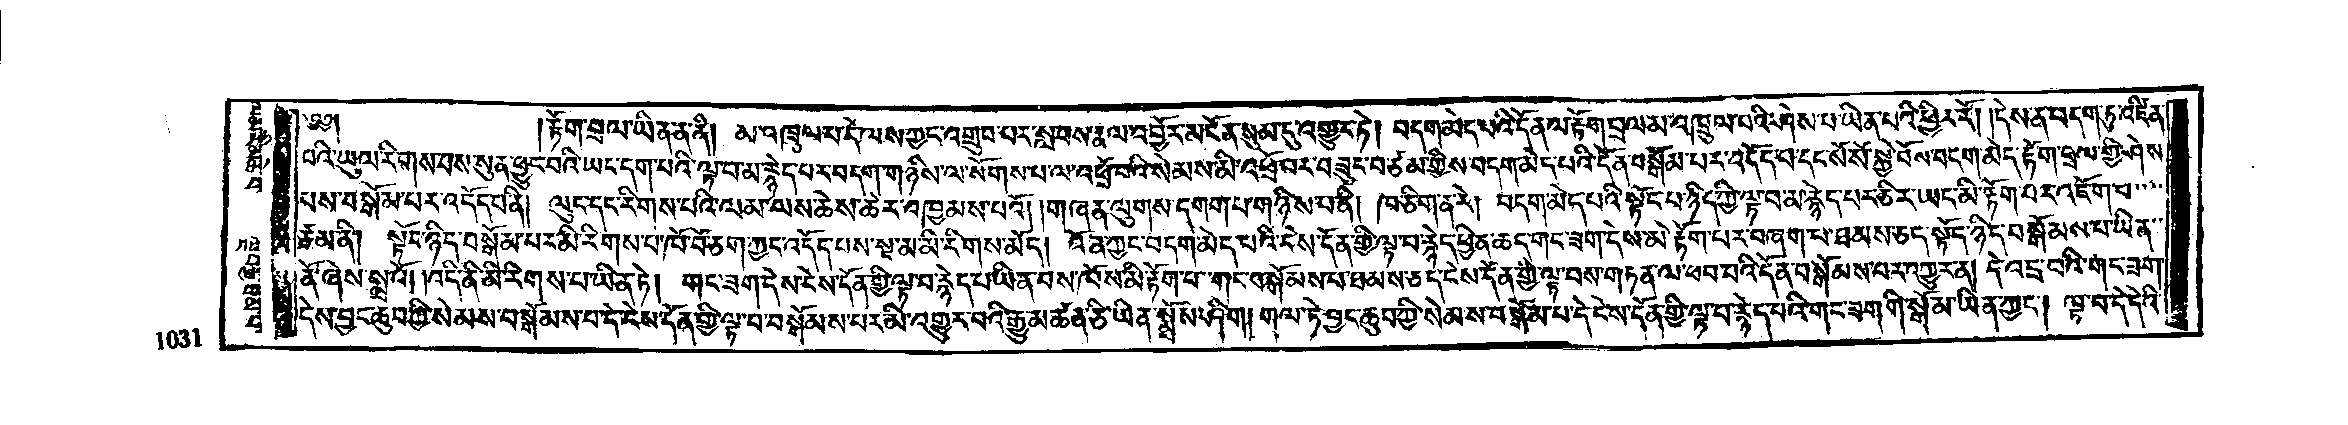༄༅། །རྟོག་བྲལ་ཡིན་ན་ནི། མ་འཁྲུལ་བ་དེ་ལས་ཀྱང་འགྲུབ་པར་སླ་བས་རྣལ་འབྱོར་མངོན་སུམ་དུ་འགྱུར་ཏེ། བདག་མེད་པའི་དོན་ལ་རྟོག་བྲལ་མ་འཁྲུལ་བའི་ཤེས་པ་ཡིན་པའི་ཕྱིར་རོ། །དེས་ན་བདག་ཏུ་འཛིན་
པའི་ཡུལ་རིགས་པས་སུན་ཕྱུང་བའི་ཡང་དག་པའི་ལྟ་བ་མ་རྙེད་པར་བདག་གཉིས་ལ་སོགས་པ་ལ་འཕྲོ་བའི་སེམས་མི་འཕྲོ་བར་བཟུང་བ་ཙམ་གྱིས་བདག་མེད་པའི་དོན་བསྒོམ་པར་འདོད་པ་དང་སོ་སོ་སྐྱེ་བོས་བདག་མེད་རྟོག་བྲལ་གྱི་ཤེས་
པས་བསྒོམ་པར་འདོད་པ་ནི། ལུང་དང་རིགས་པའི་ལམ་ལས་ཆེས་ཆེར་འཁྱམས་པའོ། །གཞན་ལུགས་དགག་པ་གཉིས་པ་ནི། ཁ་ཅིག་ན་རེ། བདག་མེད་པའི་སྟོང་པ་ཉིད་ཀྱི་ལྟ་བ་མ་རྙེད་པར་ཅིར་ཡང་མི་རྟོག་པར་འཇོག་པ་
ཙམ་ནི། སྟོང་ཉིད་བསྒོམ་པར་མི་རིགས་པ་ཁོ་བོ་ཅག་ཀྱང་འདོད་པས་སྔ་མ་མི་རིགས་མོད། འོན་ཀྱང་བདག་མེད་པའི་ངེས་དོན་གྱི་ལྟ་བ་རྙེད་ཕྱིན་ཆད་གང་ཟག་དེས་མི་རྟོག་པར་བཞག་པ་ཐམས་ཅད་སྟོད་ཉིད་བསྒོམས་པ་ཡིན་
ནོ་ཞེས་སྨྲའོ། །འདི་ནི་མི་རིགས་པ་ཡིན་ཏེ། གང་ཟག་དེས་ངེས་དོན་གྱི་ལྟ་བ་རྙེད་པ་ཡིན་པས་ཁོས་མི་རྟོག་པ་གང་བསྒོམས་པ་ཐམས་ཅད་ངེས་དོན་གྱི་ལྟ་བས་གཏན་ལ་ཕབ་པའི་དོན་བསྒོམས་པར་འགྱུར་ན། དེ་འདྲ་བའི་གང་ཟག་
དེས་བྱང་ཆུབ་ཀྱི་སེམས་བསྒོམས་པ་དེ་ངེས་དོན་གྱི་ལྟ་བ་བསྒོམས་པར་མི་འགྱུར་བའི་རྒྱུ་མཚན་ཅི་ཡིན་སྨྲོས་ཤིག །གལ་ཏེ་བྱང་ཆུབ་ཀྱི་སེམས་བསྒོམ་པ་དེ་ངེས་དོན་གྱི་ལྟ་བ་རྙེད་པའི་གང་ཟག་གི་སྒོམ་ཡིན་ཀྱང་། ལྟ་བ་དེ་དེའི་